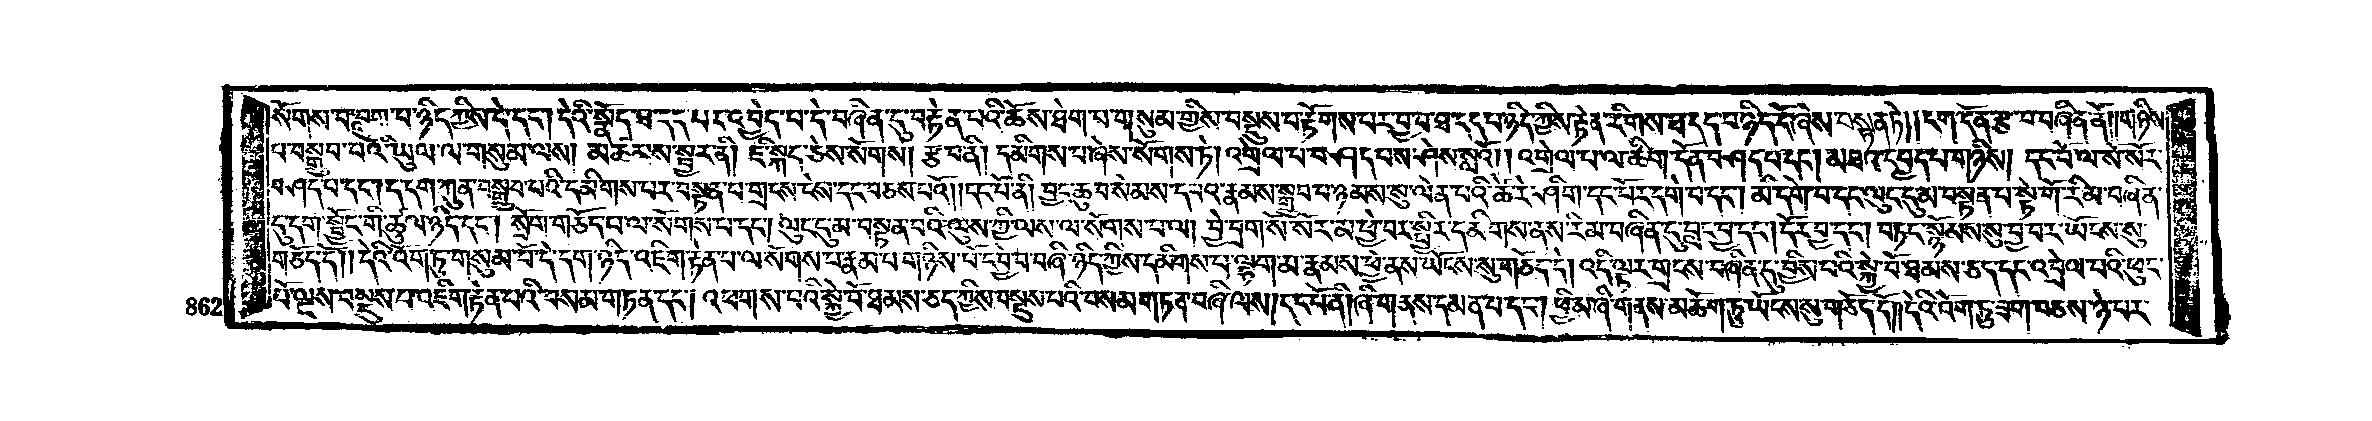སོགས་པ་བླུག་པ་ཉིད་ཀྱིས་དེ་དང་། དེའི་སྣོད་ཐ་དད་པར་འབྱེད་པ་དེ་བཞིན་དུ་བརྟེན་པའི་ཆོས་ཐེག་པ་གསུམ་གྱིས་བསྡུས་པ་རྟོགས་པར་བྱ་བ་ཐ་དད་པ་ཉིད་ཀྱིས་རྟེན་རིགས་ཐ་དད་པ་ཉིད་དོ་ཞེས་བསྟན་ཏེ། །ངག་དོན་རྩ་བ་བཞིན་ནོ། །གཉིས་
པ་བསྒྲུབ་པའི་ཡུལ་ལ་གསུམ་ལས། མཚམས་སྦྱར་ནི། ཇི་སྐད་ཅེས་སོགས། རྩ་བ་ནི། དམིགས་པ་ཞེས་སོགས་ཏེ། འགྲེལ་པ་བཤད་པས་ཤེས་སླའོ། །འགྲེལ་པ་ལ་ཚིག་དོན་བཤད་པ་དང་། མཐའ་དཔྱད་པ་གཉིས། དང་པོ་ལ་སོ་སོར་
བཤད་པ་དང་། དེ་དག་ཀུན་བསྒྲུབ་པའི་དམིགས་པར་བསྟན་པ་གྲངས་ངེས་དང་བཅས་པའོ། །དང་པོ་ནི། བྱང་ཆུབ་སེམས་དཔའ་རྣམས་སྒྲུབ་པ་ཉམས་སུ་ལེན་པའི་ཚེ་རེ་ཤིག་དང་པོར་དགེ་བ་དང་། མི་དགེ་བ་དང་ལུང་དུ་མ་བསྟན་པ་སྟེ་གོ་རིམ་བཞིན་
དུ་དག་སྦྱོང་གི་ཚུལ་ཉིད་དང་། སྲོག་གཅོད་པ་ལ་སོགས་པ་དང་། ལུང་དུ་མ་བསྟན་པའི་ལུས་ཀྱི་ལས་ལ་སོགས་པ་ལ། བྱེ་བྲག་སོ་སོར་མ་ཕྱེ་བར་སྤྱིར་དམིགས་ནས་རིམ་བཞིན་དུ་བླང་བྱ་དང་། དོར་བྱ་དང་། བཏང་སྙོམས་སུ་བྱ་བར་ཡོངས་སུ་
གཅོད་དོ། །དེའི་འོག་ཏུ་གསུམ་པོ་དེ་དག་ཉིད་འཇིག་རྟེན་པ་ལ་སོགས་པ་རྣམ་པ་གཉིས་པོ་དབྱེ་བ་བཞི་ཉིད་ཀྱིས་དམིགས་པ་ལྷག་མ་རྣམས་ཕྱེ་ནས་ཡོངས་སུ་གཅོད་དེ། འདི་ལྟར་གྲངས་བཞིན་དུ་བྱིས་པའི་སྐྱེ་བོ་ཐམས་ཅད་དང་འབྲེལ་པའི་ཕུང་
པོ་ལྔས་བསྡུས་པ་འཇིག་རྟེན་པའི་བསམ་གཏན་དང་། འཕགས་པའི་སྐྱེ་བོ་ཐམས་ཅད་ཀྱིས་བསྡུས་པའི་བསམ་གཏན་བཞི་ལས། དང་པོ་ནི། ཞི་གནས་དམན་པ་དང་། ཕྱི་མ་ཞི་གནས་མཆོག་ཏུ་ཡོངས་སུ་གཅོད་དོ། །དེའི་འོག་ཏུ་ཟག་བཅས་ཉེ་བར་